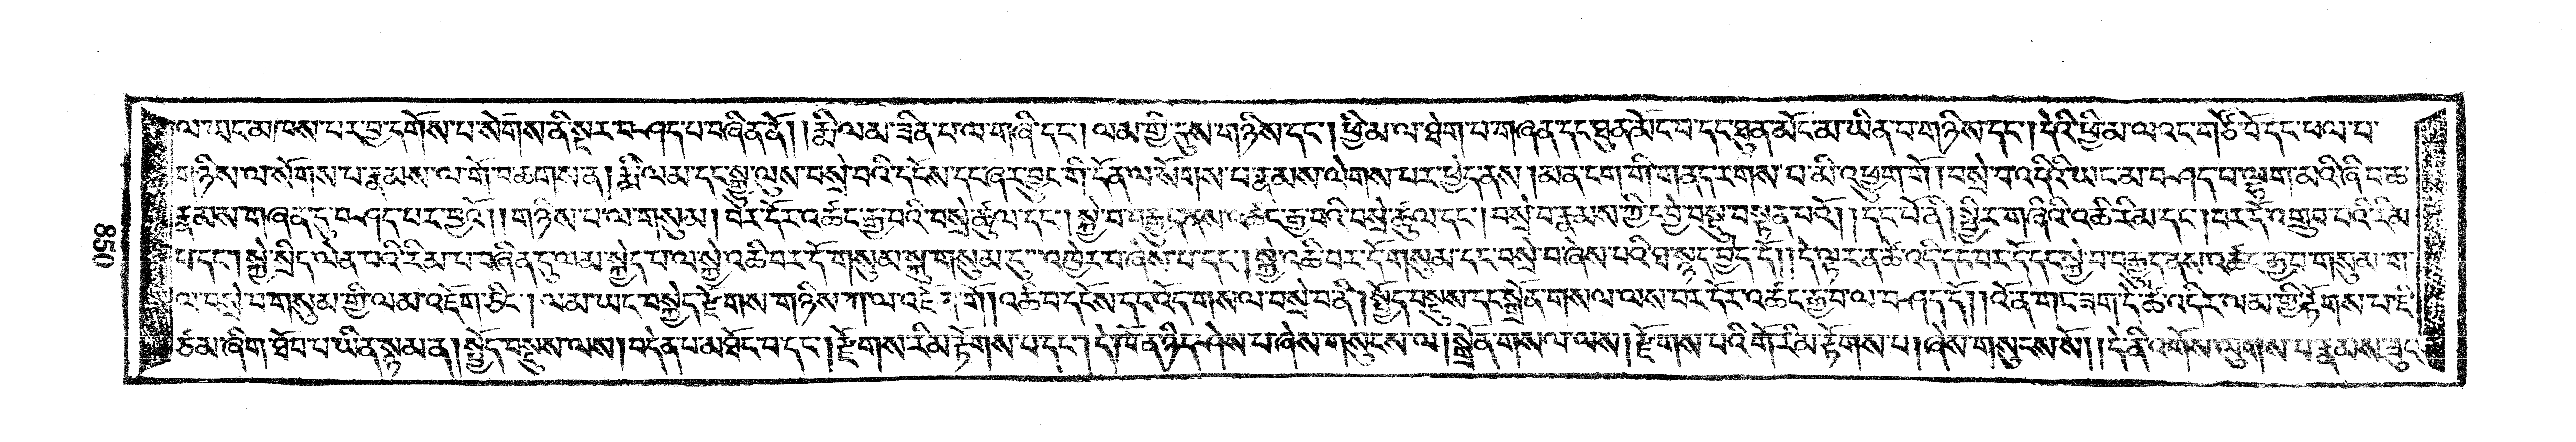ལ་ཡང་མཁས་པར་བྱ་དགོས་པ་སོགས་ནི་སྔར་བཤད་པ་བཞིན་ནོ། །རྨི་ལམ་ཟིན་པ་ལ་གཞི་དང་། ལམ་གྱི་དུས་གཉིས་དང་། ཕྱི་མ་ལ་ཐེག་པ་གཞན་དང་ཐུན་མོང་བ་དང་ཐུན་མོང་མ་ཡིན་པ་གཉིས་དང་། དེའི་ཕྱི་མ་ལའང་གཙོ་བོ་དང་ཕལ་པ་
གཉིས་ལ་སོགས་པ་རྣམས་ལ་གོ་བ་ཆགས་ན། རྨི་ལམ་དང་སྒྱུ་ལུས་བསྲེ་བའི་དངོས་དང་ཞར་བྱུང་གི་དོན་ལ་སོགས་པ་རྣམས་ལེགས་པར་ཕྱེད་ནས། མན་ངག་གི་གནད་རགས་པ་མི་འཕྱུག་གོ །བསྲེ་བ་འདིའི་ཡང་མ་བཤད་པ་ལྷག་མའི་ཞིང་ཆ་
རྣམས་གཞན་དུ་བཤད་པར་བྱའོ། །གཉིས་པ་ལ་གསུམ། བར་དོར་འཆང་རྒྱ་བའི་བསྲེ་ཚུལ་དང་། སྐྱེ་བ་བརྒྱུད་ནས་འཚང་རྒྱ་བའི་བསྲེ་ཚུལ་དང་། བསྲེ་བ་རྣམས་ཀྱི་དབྱེ་བསྡུ་བསྟན་པའོ། །དང་པོ་ནི། སྤྱིར་གཞིའི་འཆི་རིམ་དང་། བར་དོ་འགྲུབ་པའི་རིམ་
པ་དང་། སྐྱེ་སྲིད་ལེན་པའི་རིམ་པ་བཞིན་དུ་ལམ་སྐྱེད་པ་ལ་སྐྱེ་འཆི་བར་དོ་གསུམ་སྐུ་གསུམ་དུ་འཁྱེར་བ་ཞེས་པ་དང་། སྐྱེ་འཆི་བར་དོ་གསུམ་དང་བསྲེ་བ་ཞེས་པའི་ཐ་སྙད་བྱེད་དོ། །དེ་ལྟར་ན་ཚེ་འདི་དང་བར་དོ་དང་སྐྱེ་བ་བརྒྱུད་ནས་འཚང་རྒྱ་བ་གསུམ་ག་
ལ་བསྲེ་བ་གསུམ་གྱི་ལམ་འཇོག་ཅིང་། ལམ་ཡང་བསྐྱེད་རྫོགས་གཉིས་ཀ་ལ་འཇོག་གོ །འཆི་བ་དངོས་དང་འོད་གསལ་བསྲེ་བ་ནི། སྤྱོད་བསྡུས་དང་སྒྲོན་གསལ་ལས་བར་དོར་འཚང་རྒྱ་བ་ལ་བཤད་དོ། །འོ་ན་གང་ཟག་དེ་ཚེ་འདིར་ལམ་གྱི་རྟོགས་པ་ཇི་
ཙམ་ཞིག་ཐོབ་པ་ཡིན་སྙམ་ན། སྤྱོད་བསྡུས་ལས། བདེན་པ་མཐོང་བ་དང་། རྫོགས་རིམ་རྟོགས་པ་དང་། དེ་ཁོ་ན་ཉིད་ཤེས་པ་ཞེས་གསུངས་ལ། སྒྲོན་གསལ་ལས། རྫོགས་པའི་གོ་རིམ་རྟོགས་པ་། ཞེས་གསུངས་སོ། །དེ་ནི་འགོས་ལུགས་པ་རྣམས་ཟུང་